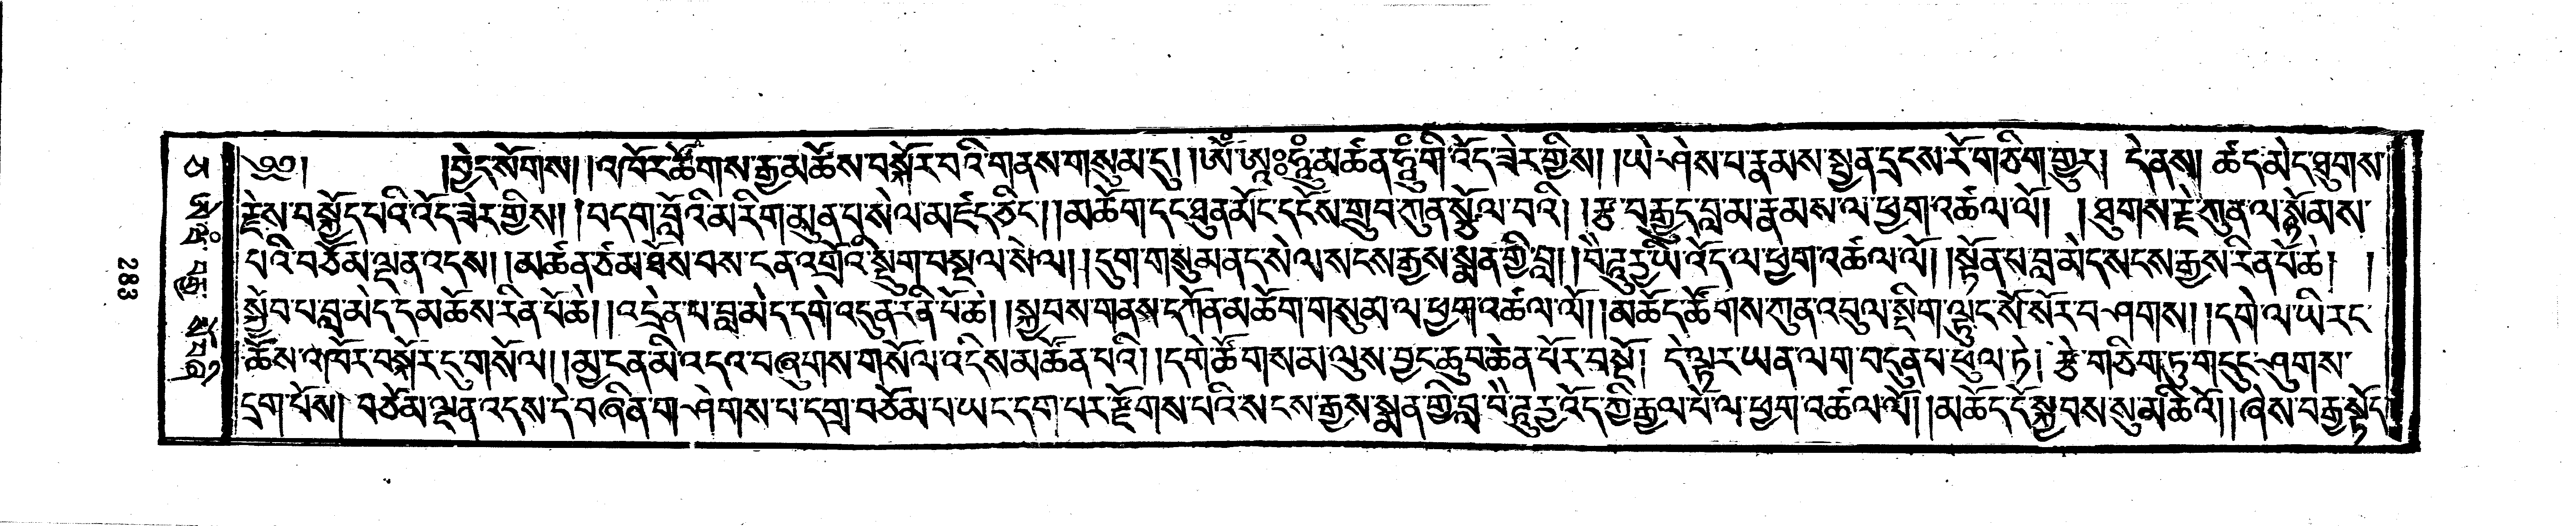༄༅། །བྱེད་སོགས། །འཁོར་ཚོགས་རྒྱ་མཚོས་བསྐོར་བའི་གནས་གསུམ་དུ། །ཨོཾ་ཨཱཿ ཧཱུཾ་མཚན་ཧཱུཾ་གི་འོད་ཟེར་གྱིས། །ཡེ་ཤེས་པ་རྣམས་སྤྱན་དྲངས་རོ་གཅིག་གྱུར། དེ་ནས། ཚད་མེད་ཐུགས་
རྗེས་བསྐྱོད་པའི་འོད་ཟེར་གྱིས། །བདག་བློའི་མ་རིག་མུན་པ་སེལ་མཛད་ཅིང་། །མཆོག་དང་ཐུན་མོང་དངོས་གྲུབ་ཀུན་སྩོལ་བའི། །རྩ་བརྒྱུད་བླ་མ་རྣམས་ལ་ཕྱག་འཚལ་ལོ། །ཐུགས་རྗེ་ཀུན་ལ་སྙོམས་
པའི་བཅོམ་ལྡན་འདས། །མཚན་ཙམ་ཐོས་པས་ངན་འགྲོའི་སྡུག་བསྔལ་སེལ། །དུག་གསུམ་ནད་སེལ་སངས་རྒྱས་སྨན་གྱི་བླ། །བཻ་ཌཱུརྱ་ཡི་འོད་ལ་ཕྱག་འཚལ་ལོ། །སྟོན་པ་བླ་མེད་སངས་རྒྱས་རིན་པོ་ཆེ། །
སྐྱོབ་པ་བླ་མེད་དམ་ཆོས་རིན་པོ་ཆེ། །འདྲེན་པ་བླ་མེད་དགེ་འདུན་རིན་པོ་ཆེ། །སྐྱབས་གནས་དཀོན་མཆོག་གསུམ་ལ་ཕྱག་འཚལ་ལོ། །མཆོད་ཚོགས་ཀུན་འབུལ་སྡིག་ལྟུང་སོ་སོར་བཤགས། །དགེ་ལ་ཡི་རང་
ཆོས་འཁོར་བསྐོར་དུ་གསོལ། །མྱ་ངན་མི་འདའ་བཞུགས་གསོལ་འདིས་མཚོན་པའི། །དགེ་ཚོགས་མ་ལུས་བྱང་ཆུབ་ཆེན་པོར་བསྔོ། དེ་ལྟར་ཡན་ལག་བདུན་པ་ཕུལ་ཏེ། རྩེ་གཅིག་ཏུ་གདུང་ཤུགས་
དྲག་པོས། བཅོམ་ལྡན་འདས་དེ་བཞིན་གཤེགས་པ་དགྲ་བཅོམ་པ་ཡང་དག་པར་རྫོགས་པའི་སངས་རྒྱས་སྨན་གྱི་བླ་བཻ་ཌཱུརྱ་འོད་ཀྱི་རྒྱལ་པོ་ལ་ཕྱག་འཚལ་ལོ། །མཆོད་དོ་སྐྱབས་སུ་མཆིའོ། །ཞེས་བརྒྱ་སྟོང་